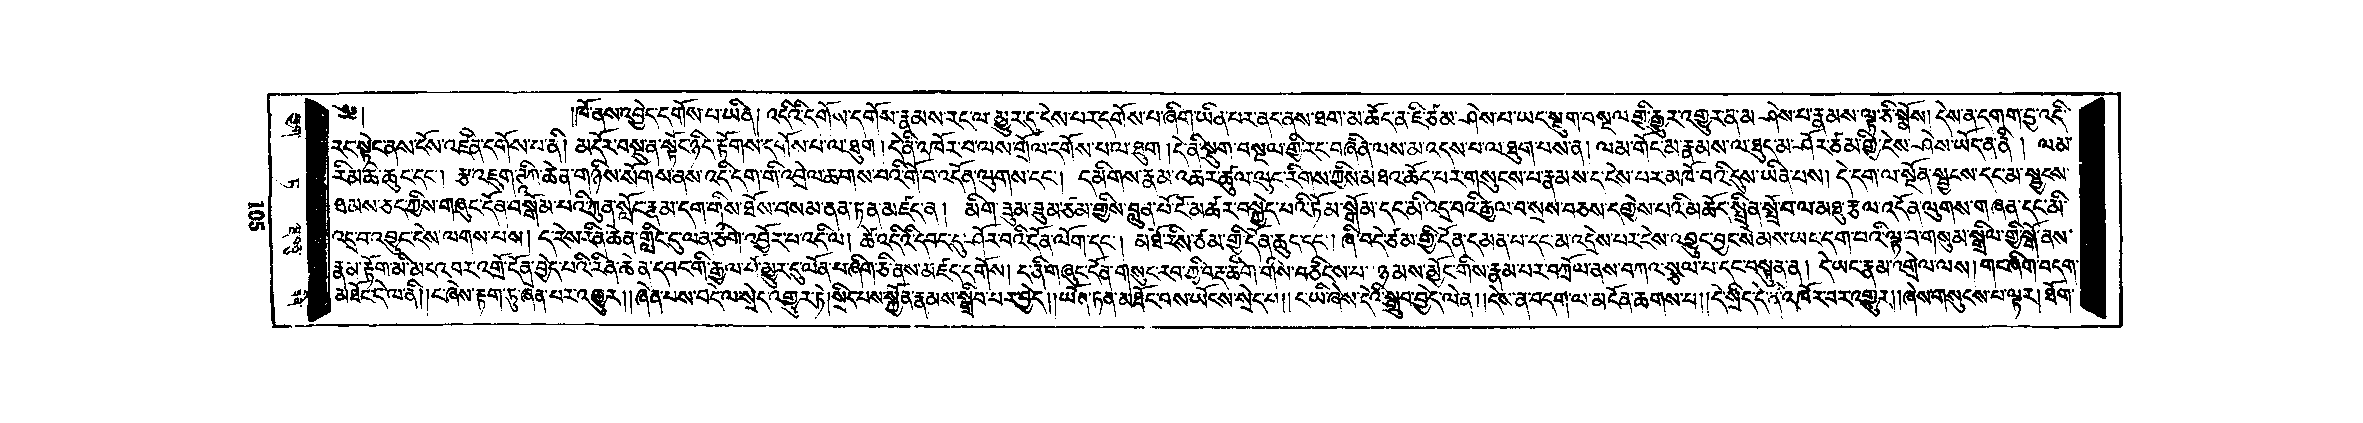༄༅། །ཁོ་ནས་འབྱེད་དགོས་པ་ཡིན། འདིའི་དགོས་དགོས་རྣམས་རང་ལ་མྱུར་དུ་ངེས་པར་དགོས་པ་ཞིག་ཡིན་པར་ནང་ནས་ཐག་མཆོད་ན་ཇི་ཙམ་ཤེས་པ་ཡང་སྡུག་བསྔལ་གྱི་རྒྱུར་འགྱུར་ན་མ་ཤེས་པ་རྣམས་ལྟ་ཅི་སྨོས། དེས་ན་དགག་བྱ་འདི་
རང་སྟེང་ནས་ངོས་འཛིན་དགོས་པ་ནི། མདོར་བསྡུ་ན་སྟོང་ཉིད་རྟོགས་དགོས་པ་ལ་ཐུག །དེ་ནི་འཁོར་བ་ལས་གྲོལ་དགོས་པ་ལ་ཐུག །དེ་ནི་སྡུག་བསྔལ་གྱི་རང་བཞིན་ལས་མ་འདས་པ་ལ་ཐུག་པས་ན། ལམ་གོང་མ་རྣམས་ལ་ཐུད་མ་ཤོར་ཙམ་གྱི་ངེས་ཤེས་ཡོད་ན་ནི། ལམ་
རིམ་ཆེ་ཆུང་དང་། རྩ་འཇུག་ཊཱིཀ་ཆེན་གཉིས་སོགས་ནས་འདི་དག་གི་འབྲེལ་ཆགས་པའི་གོ་བ་འདོན་ལུགས་དང་། དམིགས་རྣམ་འཆར་ཚུལ་ལུང་རིགས་ཀྱིས་མཐའ་ཆོད་པར་གསུངས་པ་རྣམས་ད་ངེས་པར་མཁོ་བའི་དུས་ཡིན་པས། དེ་དག་ལ་སྔོན་སྦྱངས་དང་མ་སྦྱངས་
ཐམས་ཅད་ཀྱིས་གཞུང་དོན་བསྒོམ་པའི་ཀུན་སློང་རྣམ་དག་གིས་ཐོས་བསམ་ནན་ཏན་མཛད་ན། མིག་ཟུམ་ཟུམ་ཙམ་གྱིས་བླུན་པོ་ངོ་མཚར་བསྐྱེད་པའི་ཏོམ་སྒོམ་དང་མི་འདྲ་བའི་རྒྱལ་བ་སྲས་བཅས་དགྱེས་པའི་མཆོད་སྤྲིན་སྤྲོ་བ་ལ་མཐུ་རྩལ་འདོན་ལུགས་གཞན་དང་མི་
འདྲ་བ་འབྱུང་ངེས་ལགས་པས། ད་རེས་རིན་ཆེན་གླིང་དུ་ལན་ཅིག་འབྱོར་པ་འདི་ལ། ཚེ་འདིའི་དབང་དུ་ཤོར་བའི་དོན་ལོག་དང་། མཐོ་རིས་ཙམ་གྱི་དོན་ཆུང་དང་། ཞི་བདེ་ཙམ་གྱི་དོན་དམན་པ་དང་མ་འདྲེས་པར་ངེས་འབྱུང་བྱང་སེམས་ཡང་དག་པའི་ལྟ་བ་གསུམ་སྒྲིལ་གྱི་སྒོ་ནས་
རྣམ་རྟོག་མི་མངའ་བར་འགྲོ་དོན་བྱེད་པའི་རིན་ཆེན་དབང་གི་རྒྱལ་པོ་མྱུར་དུ་ལོན་པ་ཞིག་ཅི་ནས་མཛད་དགོས། ད་ནི་གཞུང་དོན་གསུང་རབ་ཀྱི་བརྡ་ཚིག་གིས་བཅིངས་པ་ཉམས་མྱོང་གིས་རྣམ་པར་བཀྲོལ་ནས་བཀའ་སྩལ་པ་དང་བསྟུན་ན། དེ་ཡང་རྣམ་འགྲེལ་ལས། གང་ཞིག་བདག་
མཐོང་དེ་ལ་ནི། །ང་ཞེས་རྟག་ཏུ་ཞེན་པར་འགྱུར། །ཞེན་པས་བདེ་ལ་སྲེད་འགྱུར་ཏེ། སྲིད་པས་སྐྱོན་རྣམས་སྒྲིབ་པར་བྱེད། །ཡོན་ཏན་མཐོང་བས་ཡོངས་སྲེད་པ། །ང་ཡི་ཞེས་དེའི་སྒྲུབ་བྱེད་ལེན། །དེས་ན་བདག་ལ་མངོན་ཆགས་པ། །དེ་སྲིད་དེ་ནི་འཁོར་བར་འགྱུར། །ཞེས་གསུངས་པ་ལྟར། ཐོག་